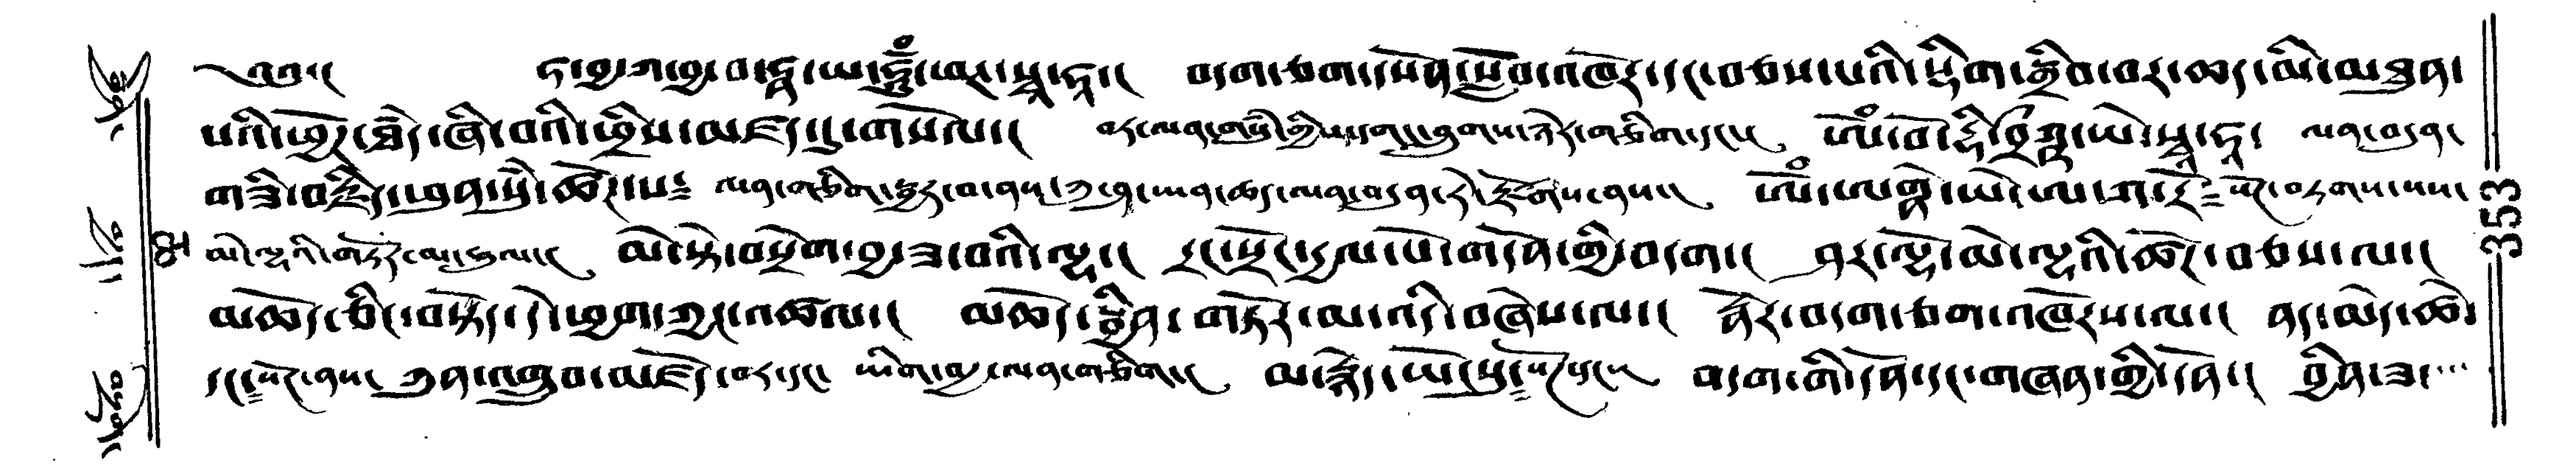ཧ་བྱ་ཀ་བྱ་བ་ཧྣ་ཡ་ཧཱུྃ་ཕཊ་སྭཱ་ཧཱ། བདག་ཅག་དཔོན་སློབ་འཁོར་དང་བཅས་པའི་སྡིག་སྒྲིབ་བར་ཆད་མི་མཐུན་
པའི་ཕྱོགས་ཐམས་ཅད་ཞི་བའི་ཕྲིན་ལས་མཛད་དུ་གསོལ། བར་ལན་གསུམ་གྱིས་དགང་བླུགས་ཉེར་གཅིག་དང་། ཨོཾ་བྷོ་དྷི་བྲིཀྵ་ཡེ་སྭཱ་ཧཱ། ལན་བདུན། 
གཟི་བརྗིད་ཕུན་སུམ་ཚོགས་པ༴ ལན་གཅིག་སྦྱར་བ་ནས་ཀུ་ཤ་ཡན་ཆད་ལན་བདུན་རེ་རྫོགས་ནས། ཨོཾ་ཨགྣེ་ཡེ་ཨ་ཀ་རོ་སོགས་བཏགས་པས་
མེ་ལྷའི་གཏོར་མ་ཕུལ། མེ་སྟེ་བསྲེག་བྱ་ཟ་བའི་ལྷ། །དྲང་སྲོང་རྒྱལ་པོ་གདོན་གྱི་བདག །ཤར་ལྷོ་མེ་ལྷའི་ཚོགས་བཅས་ལ། །
མཆོད་ཅིང་བསྟོད་དེ་ཕྱག་ཀྱང་འཚལ། །མཆོད་སྦྱིན་གཏོར་མ་འདི་བཞེས་ལ། །རྣལ་འབྱོར་བདག་ཅག་འཁོར་བཅས་ལ། །ནད་མེད་ཚེ་
དང་སོགས་ནས། ཀུན་འགྲུབ་མཛོད། བར་དང་། ཡིག་བརྒྱ་ལན་གཅིག མ་རྙེད་ཡོངས་སུ་སོགས་དང་། བདག་གི་དོན་དང་གཞན་གྱི་དོན། །བྱིན་ཟ་